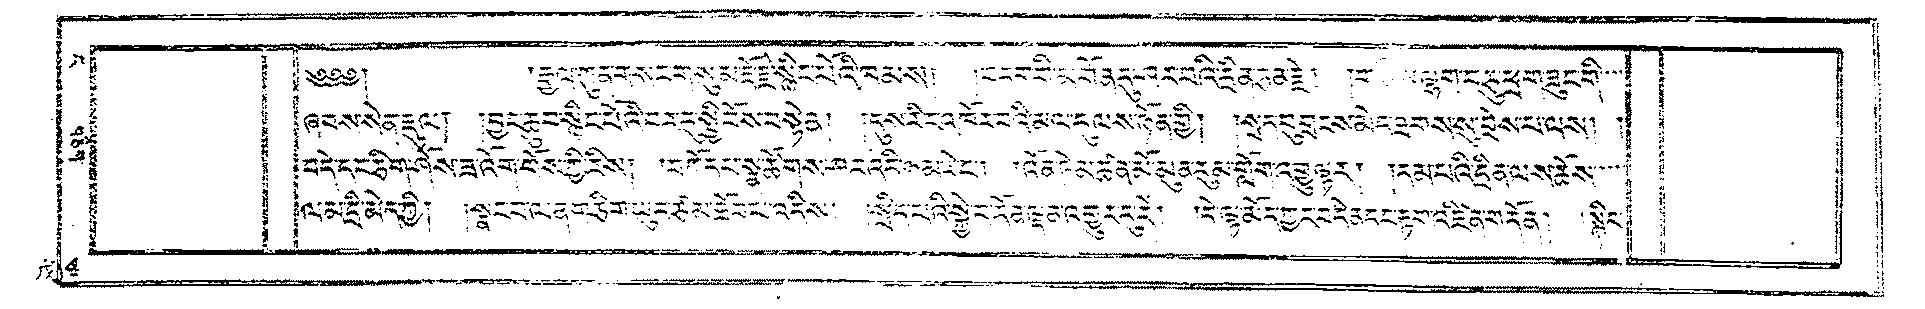༄༅༅། །རྒྱལ་ཀུན་གསང་གསུམ་རྡོ་རྗེ་སྙིང་པོའི་ཁམས། །བདག་གི་མགོན་དུ་ཤར་བའི་དྲིན་ཅན་རྗེ། །གཉིས་ལྷག་བཅུ་ཕྲག་ཟུང་གི་
ཞབས་སེན་རྡུལ། །བྱང་ཆུབ་སྙིང་པོའི་བར་དུ་སྤྱི་བོས་བསྟེན། །དུས་རིང་འཁོར་བའི་མལ་དུ་ལས་ཉོན་གྱི། །སྲད་བུ་གྲངས་མེད་ཐགས་སུ་བྲེས་པ་ལས། །
བདེ་དང་ཅིག་ཤོས་ཟ་འོག་གོས་ཀྱི་རིས། །བཀོད་པ་སྣ་ཚོགས་ཤར་འདི་ཉམ་རེ་ང་། །འོན་ཏེ་མཚན་མོ་མུན་རུམ་གློག་འགྱུ་ལྟར། །དམ་པའི་དྲིན་ལས་ཆོས་
ལམ་དྲི་མེད་ཀྱི། །སྣང་བ་ལན་གཅིག་ཡུད་ཙམ་ཐོབ་པ་འདིས། །སྲིད་པའི་སྐྱེ་བ་དོན་ལྡན་འགྱུར་དུ་རེ། །དེ་ལྟ་མོད་ཀྱང་བདེན་དང་རྟག་འཛིན་གདོན། །སྙིང་